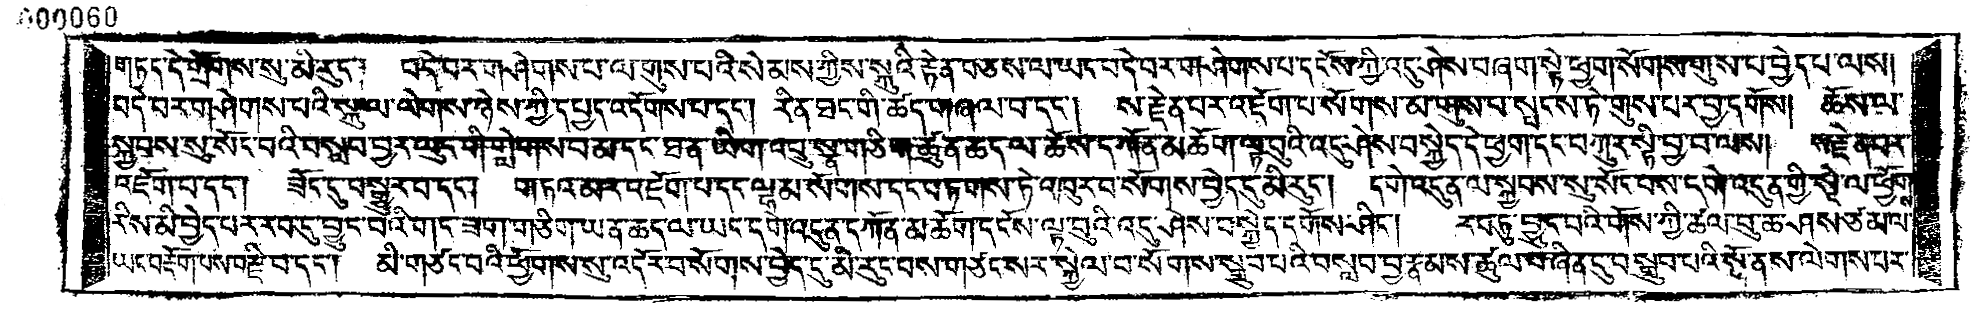གཏད་དེ་གྲོགས་སུ་མི་རུང་། བདེ་བར་གཤེགས་པ་ལ་གུས་པའི་སེམས་ཀྱིས་སྐུའི་རྟེན་བཅས་ལ་ཡང་བདེ་བར་གཤེགས་པ་དངོས་ཀྱི་འདུ་ཤེས་བཞག་སྟེ་ཕྱག་སོགས་གུས་པ་བྱེད་པ་ལས།
བདེ་བར་གཤེགས་པའི་སྐུ་ལ་ལེགས་ཉེས་ཀྱི་དཔྱད་འདོགས་པ་དང་། རིན་ཐང་གི་ཚད་གཞལ་བ་དང་། ས་རྗེན་པར་འཇོག་པ་སོགས་མ་གུས་པ་སྤངས་ཏེ་གུས་པར་བྱ་དགོས། ཆོས་ལ་
སྐྱབས་སུ་སོང་བའི་བསླབ་བྱར་ལུང་གི་གླེགས་བམ་དང་ཐ་ན་ཡིག་འབྲུ་སྣ་གཅིག་ཚུན་ཆད་ལ་ཆོས་དཀོན་མཆོག་ལྟ་བུའི་འདུ་ཤེས་བསྐྱེད་དེ་ཕྱག་དང་བཀུར་སྟི་བྱ་བ་ལས། ས་རྗེན་པར་
འཇོག་པ་དང་། ཟོང་དུ་བསྒྱུར་བ་དང་། གཏའ་མར་འཇོག་པ་དང་ལྷམ་སོགས་དང་བཏགས་ཏེ་འཁུར་བ་སོགས་བྱེད་དུ་མི་རུང་། དགེ་འདུན་ལ་སྐྱབས་སུ་སོང་བས་དགེ་འདུན་གྱི་སྡེ་ལ་ཕྱོགས་
རིས་མི་བྱེད་པར་རབ་ཏུ་བྱུང་བའི་གང་ཟག་གཅིག་ཡན་ཆད་ལ་ཡང་དགེ་འདུན་དཀོན་མཆོག་དངོས་ལྟ་བུའི་འདུ་ཤེས་བསྐྱེད་དགོས་ཤིང་། རབ་ཏུ་བྱུང་བའི་གོས་ཀྱི་ཚལ་བུ་ཆ་ཤས་ཙམ་ལ་ཡང་བརྡོག་
པས་བརྫི་བ་དང་། མི་གཙང་བའི་ཕྱོགས་སུ་འདོར་བ་སོགས་བྱེད་དུ་མི་རུང་བས་གཙང་སར་སྐྱེལ་བ་སོགས་སྒྲུབ་པའི་བསླབ་བྱ་རྣམས་ཚུལ་བཞིན་དུ་བསྒྲུབ་པའི་སྒོ་ནས་ལེགས་པར་